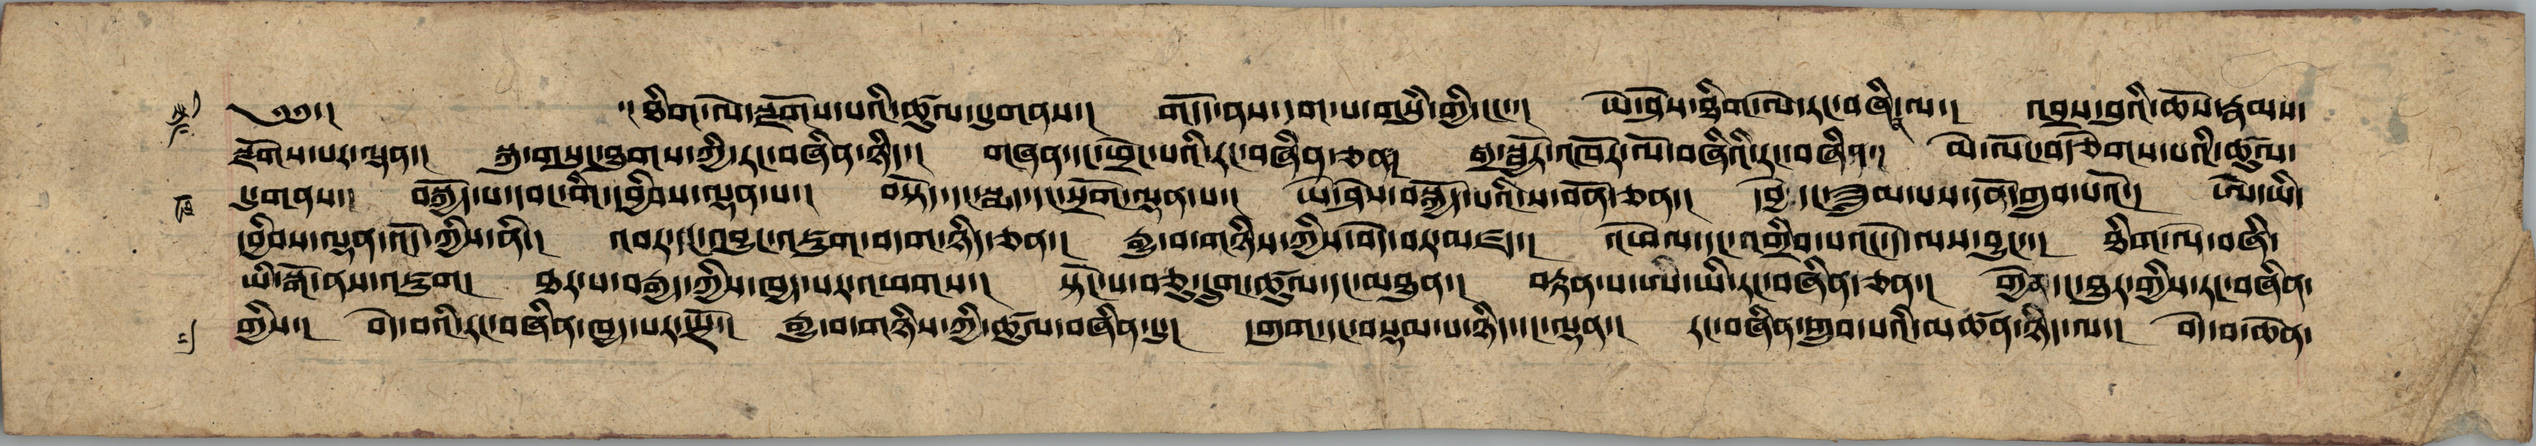༄༅་། ་།ཐིག་ལེ་སྫོགས་པའི་ཚུལ་དུ་གནས་། གདོད་ནས་དག་པ་གསུཾ་གྱི་ངང་་། ཡེ་ཤེས་ཐིག་ལེ་རང་བཞིན་ལ་། འབྲས་བུའི་ཆོས་རྣམས་
སྫོགས་པར་ལྡན་། སྐུ་གསུང་ཐུགས་ཀྱི་རང་བཞིན་ཉིད་། གཞན་དང་ཕྲེང་པའི་རང་བཞིན་ཅན་། སྒྲ་སྦྱོར་འཁོར་ལོ་བཞིའི་རང་བཞིན་། མེ་ལོང་བརྩེགས་པའི་ཚུལ་
དུ་གནས་། བསྐྱོད་པ་དབང་གི་དབྱིབས་ལྡན་པ་། བསྟོད་དང་སྨད་དང་སྲོག་ལྡན་པ་། ཡེ་ཤེས་བསྐྱོད་པའི་ས་བོན་ཅན་། དབྱེ་དང་ཟླུམ་པས་དོན་གྲུབ་པའོ་། ཨེ་ཡི་
དབྱིབས་ལྡན་འོད་ཀྱིས་ནི་། འབར་དང་འབྱུང་འཇུག་བདག་ཉིད་ཅན་། རྒྱུ་བ་གཉིས་ཀྱིས་བདེ་བར་མཛད་། འཕེལ་དང་འགྲིབ་པའང་དེ་ལས་བྱུང་་། ཐིག་ལེ་བཞི་
ཡི་སྒོ་ནས་འཇུག། ཐར་པ་བརྒྱད་ཀྱིས་ཁྱད་པར་འཕགས་། སྟོང་པ་བཅུ་དྲུག་ཚུལ་དང་མཐུན་། བརྟན་པ་ཨི་ཡི་རང་བཞིན་ཅན་། གྱེན་དང་ཐུར་གྱིས་རང་བཞིན་
གྱིས་ བདེ་བའི་རང་བཞིན་ཁྱད་པར་སྤྲོ་། རྒྱུ་བ་གཉིས་ཀྱི་ཚུལ་བཞིན་དུ་། དགུག་དང་བསྡམ་པ་ཉིད་དང་ལྡན་། རང་བཞིན་གྲུབ་པའི་མཚན་ཉིད་ལ་། བདེ་བ་ཆེན་